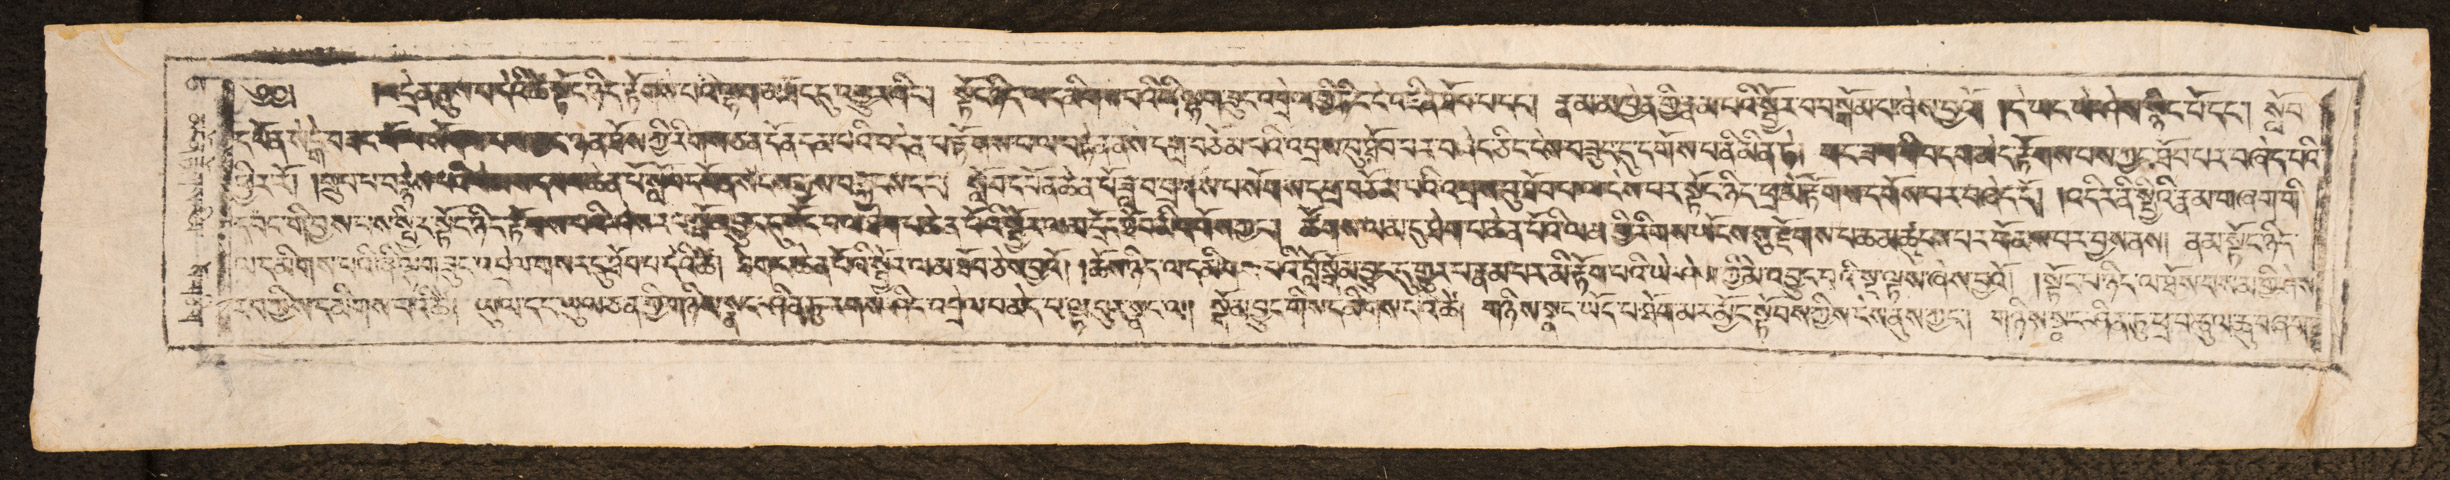༄༅། །འདྲེན་ནུས་པ་དེའི་ཚེ་སྟོང་ཉིད་རྟོགས་པའི་ལྷག་མཐོང་དུ་འགྱུར་ཞིང་། སྟོང་ཉིད་ལ་དམིགས་པའི་ཞི་ལྷག་ཟུང་འབྲེལ་གྱི་ཏིང་ངེ་འཛིན་ཐོབ་པ་དང་། རྣམ་མཁྱེན་གྱི་རྣམ་པའི་སྦྱོར་བ་བསྒོམ་པ་ཞེས་བྱའོ། །དེ་ཡང་ཡེ་ཤེས་སྙིང་པོ་དང་། སློབ་
དཔོན་སེངྒེ་བཟང་པོ་ལ་སོགས་པས་ཀྱང་ཉན་ཐོས་ཀྱི་རིགས་ཅན་དོན་དམ་པའི་བདེན་པ་རྟོགས་པ་ལ་བརྟེན་ནས་དགྲ་བཅོམ་པའི་འབྲས་བུ་ཐོབ་པར་བཞེད་ཅིང་ངེས་བཟུང་དུ་དགོས་པ་ནི་མིན་ཏེ། གང་ཟག་གི་བདག་མེད་རྟོགས་པས་ཀྱང་ཐོབ་པར་བཞེད་པའི་
ཕྱིར་རོ། །གྲུབ་པ་བརྙེས་པའི་སེམས་དཔའ་ཆེན་པོ་སློབ་དཔོན་སངས་རྒྱས་བསྐྱངས་དང་། སློབ་དཔོན་ཆེན་པོ་ཟླ་བ་གྲགས་པ་སོགས་དགྲ་བཅོམ་པའི་འབྲས་བུ་ཐོབ་པ་ལ་ངེས་པར་སྟོང་ཉིད་ཕྲ་མོ་རྟོགས་དགོས་པར་བཞེད་དོ། །འདིར་ནི་སྤྱིའི་རྣམ་གཞག་གི་
དབང་གི་བྱས་པས་སྤྱིར་སྟོང་ཉིད་རྟོགས་པའི་ཤེས་རབ་སྒོམ་བྱུང་དུ་སོང་བ་ལ་ཐེག་པ་ཆེན་པོའི་སྦྱོར་ལམ་དྲོད་ཐོབ་མི་དགོས་ཀྱང་། ཚོགས་ལམ་དུ་ཐེག་པ་ཆེན་པོའི་ལམ་གྱི་རིགས་ཡོངས་སུ་རྫོགས་པ་ཆ་མཚུངས་པར་གོམས་པར་བྱས་ནས། ནམ་སྟོང་ཉིད་
ལ་དམིགས་པའི་ཞི་ལྷག་ཟུང་འབྲེལ་གསར་དུ་ཐོབ་པ་དེའི་ཚེ། ཐེག་པ་ཆེན་པོའི་སྦྱོར་ལམ་ཐོབ་ཅེས་བྱའོ། །ཆོས་ཉིད་ལ་དམིགས་པའི་བློ་སྒོམ་བྱུང་དུ་གྱུར་པ་རྣམ་པར་མི་རྟོག་པའི་ཡེ་ཤེས་ཀྱི་མེ་འབྱུང་བའི་སྔ་ལྟས་ཞེས་བྱའོ། །སྟོང་པ་ཉིད་ལ་ཐོས་བསམ་གྱི་ཤེས་
རབ་ཀྱིས་དམིགས་པའི་ཚེ། ཡུལ་དང་ཡུལ་ཅན་གྱི་གཉིས་སྣང་ཤིན་ཏུ་རགས་ཤིང་འབྲེལ་པ་མེད་པ་ལྟ་བུར་སྣང་ལ། སྒོམ་བྱུང་གིས་དམིགས་པའི་ཚེ། གཉིས་སྣང་ཡོད་པ་ཐོག་མར་མྱོང་སྟོབས་ཀྱིས་ངེས་ནུས་ཀྱང་། གཉིས་སྣང་ཤིན་ཏུ་ཕྲ་བ་ཆུ་ལ་ཆུ་བཞག་